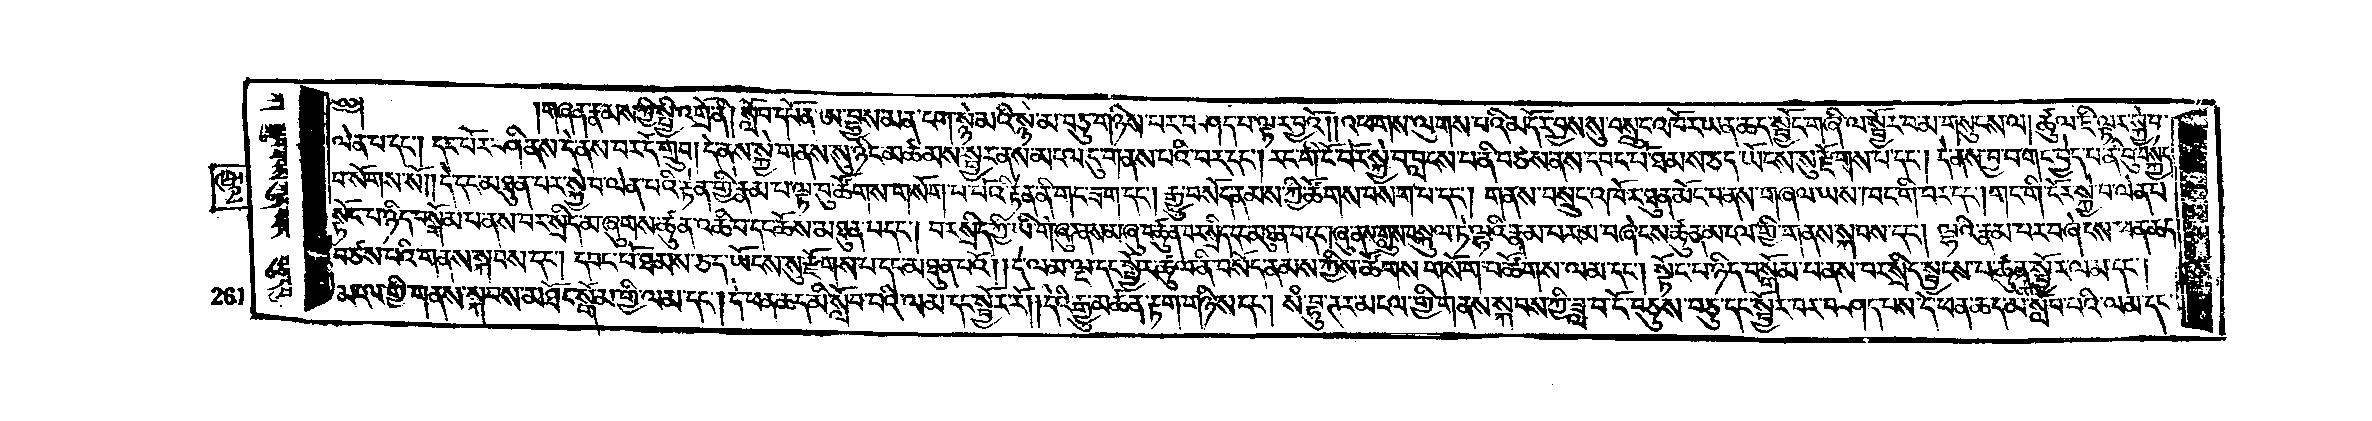༄༅། །གཞན་རྣམས་ཀྱི་སྤྱི་འགྲོ་ནི། སློབ་དཔོན་ཨ་བྷྱས་མན་ངག་སྙེ་མའི་སྙེ་མ་བཅུ་གཉིས་པར་བཤད་པ་ལྟར་བྱའོ། །འཕགས་ལུགས་པའི་མདོར་བྱས་སུ་བསྲུང་འཁོར་ཡན་ཆད་སྦྱོང་གཞི་ལ་སྦྱོར་བ་མ་གསུངས་ལ། ཚུལ་ཇི་ལྟར་སྐྱེ་བ་
ལེན་པ་དང་། དང་པོར་ཤི་ནས་དེ་ནས་བར་དོ་གྲུབ། དེ་ནས་སྐྱེ་གནས་སུ་ཉིང་མཚམས་སྦྱར་ནས་མངལ་དུ་གནས་པའི་བར་དང་། རང་གི་ངོ་བོར་སྐྱེ་བ་བླངས་པ་ནི་བཅས་ནས་དབང་པོ་ཐམས་ཅད་ཡོངས་སུ་རྫོགས་པ་དང་། དེ་ནས་བྱ་བ་གང་བྱེད་པ་ནི་བུ་བསྐྱེད་
པ་སོགས་སོ། །དེ་དང་མཐུན་པར་སྐྱེ་བ་ལེན་པའི་རྟེན་གྱི་རྣམ་པ་ལྟ་བུ་ཚོགས་གསོག་པ་པོའི་རྟེན་ནི་གང་ཟག་དང་། རྒྱུ་བསོད་ནམས་ཀྱི་ཚོགས་བསག་པ་དང་། གནས་བསྲུང་འཁོར་ཐུན་མོང་བ་ནས་གཞལ་ཡས་ཁང་གི་བར་དང་། གང་གི་ངོར་སྐྱེ་བ་ལེན་པ་
སྟོང་པ་ཉིད་བསྒོམ་པ་ནས་བར་སྲིད་མ་ཞུགས་ཚུན་འཆི་བ་དང་ཆོས་མཐུན་པ་དང་། བར་སྲིད་ཀྱི་ཡི་གེ་ཞུགས་ནས་མ་ཞུ་བ་ཚུན་པར་སྲིད་དང་མཐུན་པ་དང་། ཞུ་ནས་གླུས་བསྐུལ་ཏེ་ལྷའི་རྣམ་པར་མ་བཞེངས་ཚུན་མངལ་གྱི་གནས་སྐབས་དང་། ལྷའི་རྣམ་པར་བཞེངས་ཕན་ཆད་
བཙས་པའི་གནས་སྐབས་དང་། དབང་པོ་ཐམས་ཅད་ཡོངས་སུ་རྫོགས་པ་དང་མཐུན་པའོ། །དེ་ལམ་ལྔ་དང་སྦྱོར་ཚུལ་ནི་བསོད་ནམས་ཀྱིས་ཚོགས་གསོག་པ་ཚོགས་ལམ་དང་། སྟོང་པ་ཉིད་བསྒོམ་པ་ནས་བར་སྲིད་སྦྱངས་པ་ཚུན་སྦྱོར་ལམ་དང་།
མངལ་གྱི་གནས་སྐབས་མཐོང་སྒོམ་གྱི་ལམ་དང་། དེ་ཕན་ཆད་མི་སློབ་པའི་ལམ་དང་སྦྱོར་རོ། །དེའི་རྒྱུ་མཚན་རྟག་གཉིས་དང་། སཾ་བྷུ་ཊར་མངལ་གྱི་གནས་སྐབས་ཀྱི་ཟླ་བ་ངོ་བཅུས་བཅུ་དང་སྦྱོར་བར་བཤད་པས་དེ་ཕན་ཆད་མི་སློབ་པའི་ལམ་དང་